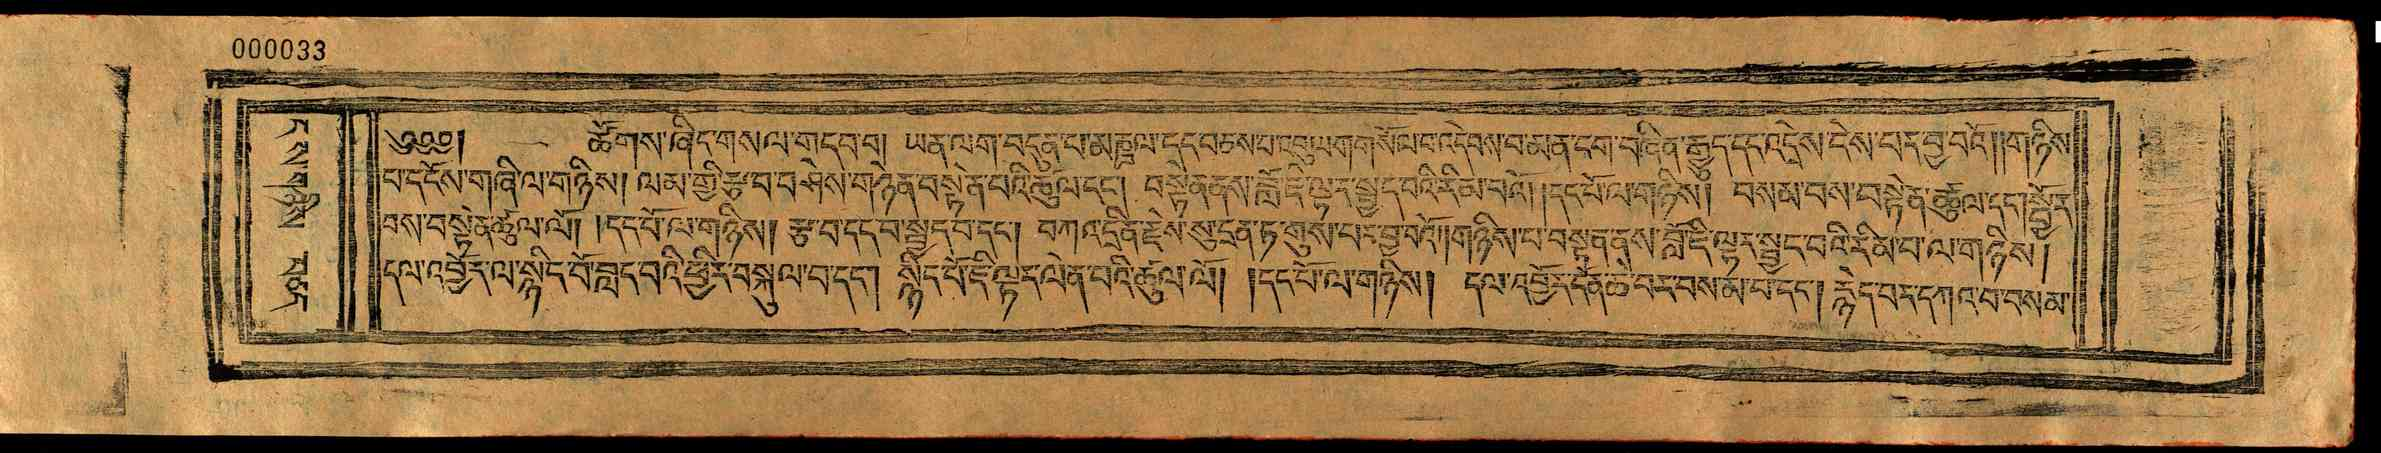༄༅༅། །ཚོགས་ཞིང་གསལ་གདབ་པ། ཡན་ལག་བདུན་པ་མཎྜལ་དང་བཅས་པ་འབུལ་བ། གསོལ་བ་འདེབས་པ་མན་ངག་བཞིན་རྒྱུད་དང་འདྲེས་ངེས་པར་བྱ་བའོ། །གཉིས་
པ་དངོས་གཞི་ལ་གཉིས། ལམ་གྱི་རྩ་བ་བཤེས་གཉེན་བསྟེན་པའི་ཚུལ་དང་། བསྟེན་ནས་བློ་ཇི་ལྟར་སྦྱང་བའི་རིམ་པའོ། །དང་པོ་ལ་གཉིས། བསམ་པས་བསྟེན་ཚུལ་དང་། སྦྱོར་
བས་བསྟེན་ཚུལ་ལོ། །དང་པོ་ལ་གཉིས། རྩ་བ་དད་བ་སྦྱང་བ་དང་། བཀའ་དྲིན་རྗེས་སུ་དྲན་ཏེ་གུས་པར་བྱ་བའོ། །གཉིས་པ་བསྟེན་ནས་བློ་ཇི་ལྟར་སྦྱང་པའི་རིམ་པ་ལ་གཉིས།
དལ་འབྱོར་ལ་སྙིང་པོ་བླང་བའི་ཕྱིར་བསྐུལ་བ་དང་། སྙིང་བོ་ཇི་ལྟར་ལེན་པའི་ཚུལ་ལོ། །དང་པོ་ལ་གཉིས། དལ་འབྱོར་དོན་ཆེ་བར་བསམ་པ་དང་། རྙེད་པར་དཀའ་བ་བསམ་